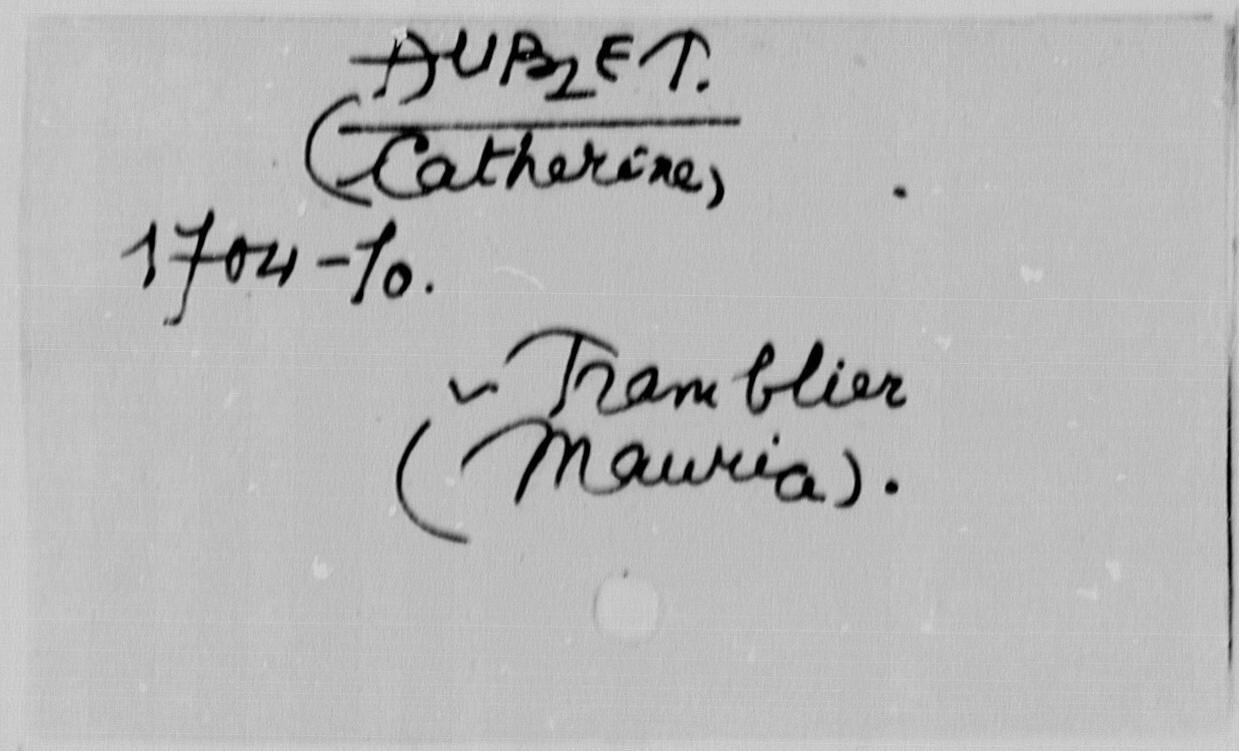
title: AUBLET (Catherine)
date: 1704-1710
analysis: Voir TRAMBLIER (Maurice)
